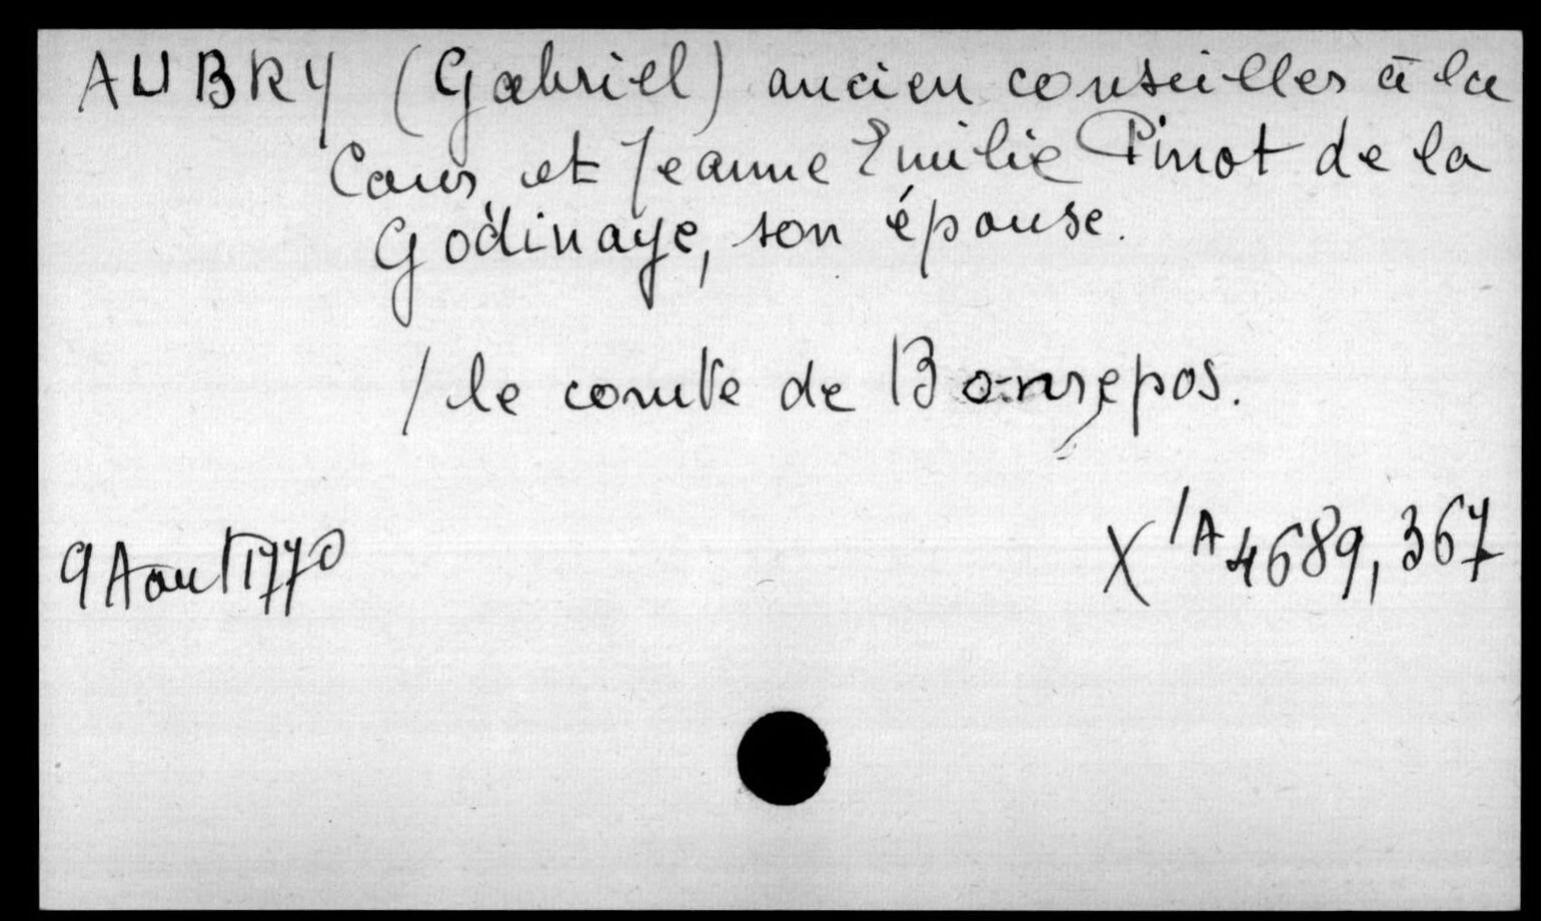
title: AUBRY (Gabriel) ancien conseiller à la Caur, et Jeanne Emilie Pinot de la Godinaye, son épouse
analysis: Contre le comte de Bonrepos
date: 9 août 1770
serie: X1A
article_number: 4689
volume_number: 367
